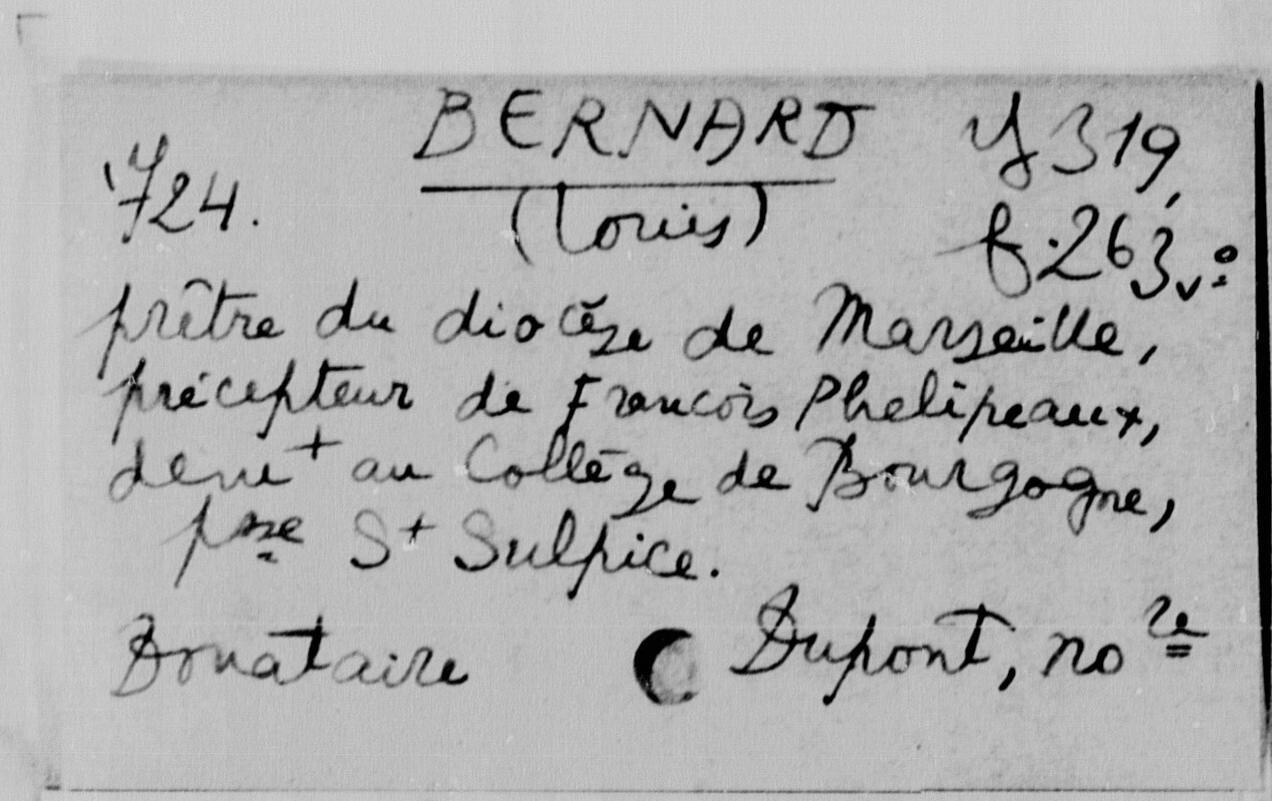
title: BERNARD (Louis)
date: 1724
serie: Y
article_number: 319
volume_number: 263v
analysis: prêtre du diocèse de Marseille, précepteur de François Phelipeaux, demeurant au Collège de Bourgogne, paroisse Saint-Sulpice Donataire Dupont, notaire
